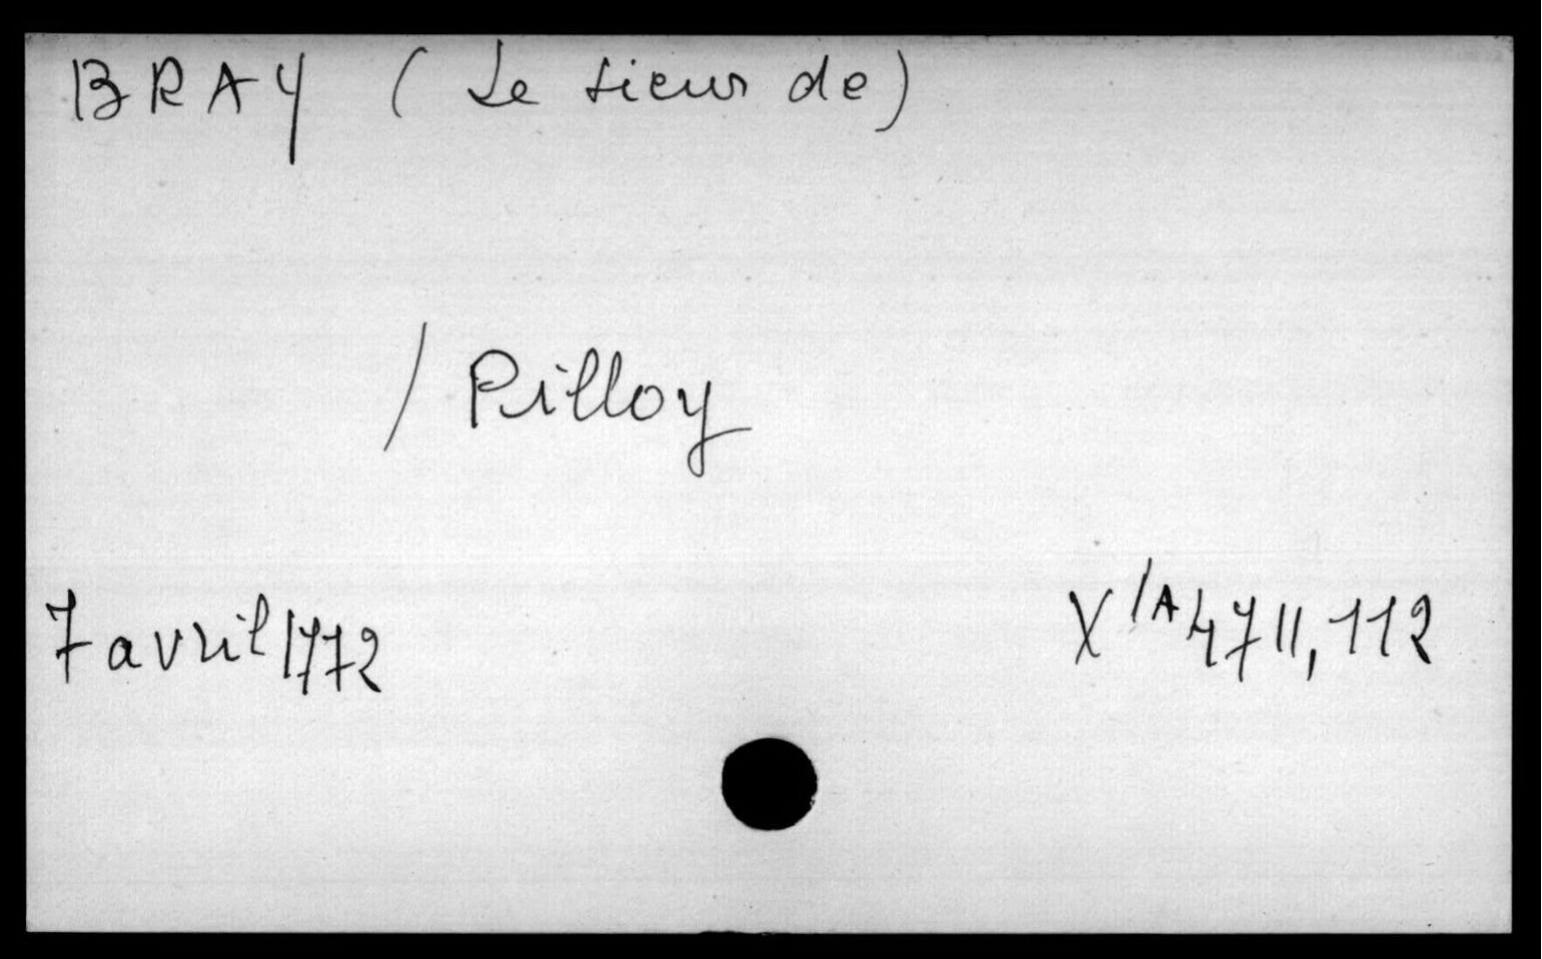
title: BRAY (Le sieur de)
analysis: Contre Pilloy
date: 7 avril 1772
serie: X1A
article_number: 4711
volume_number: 112
